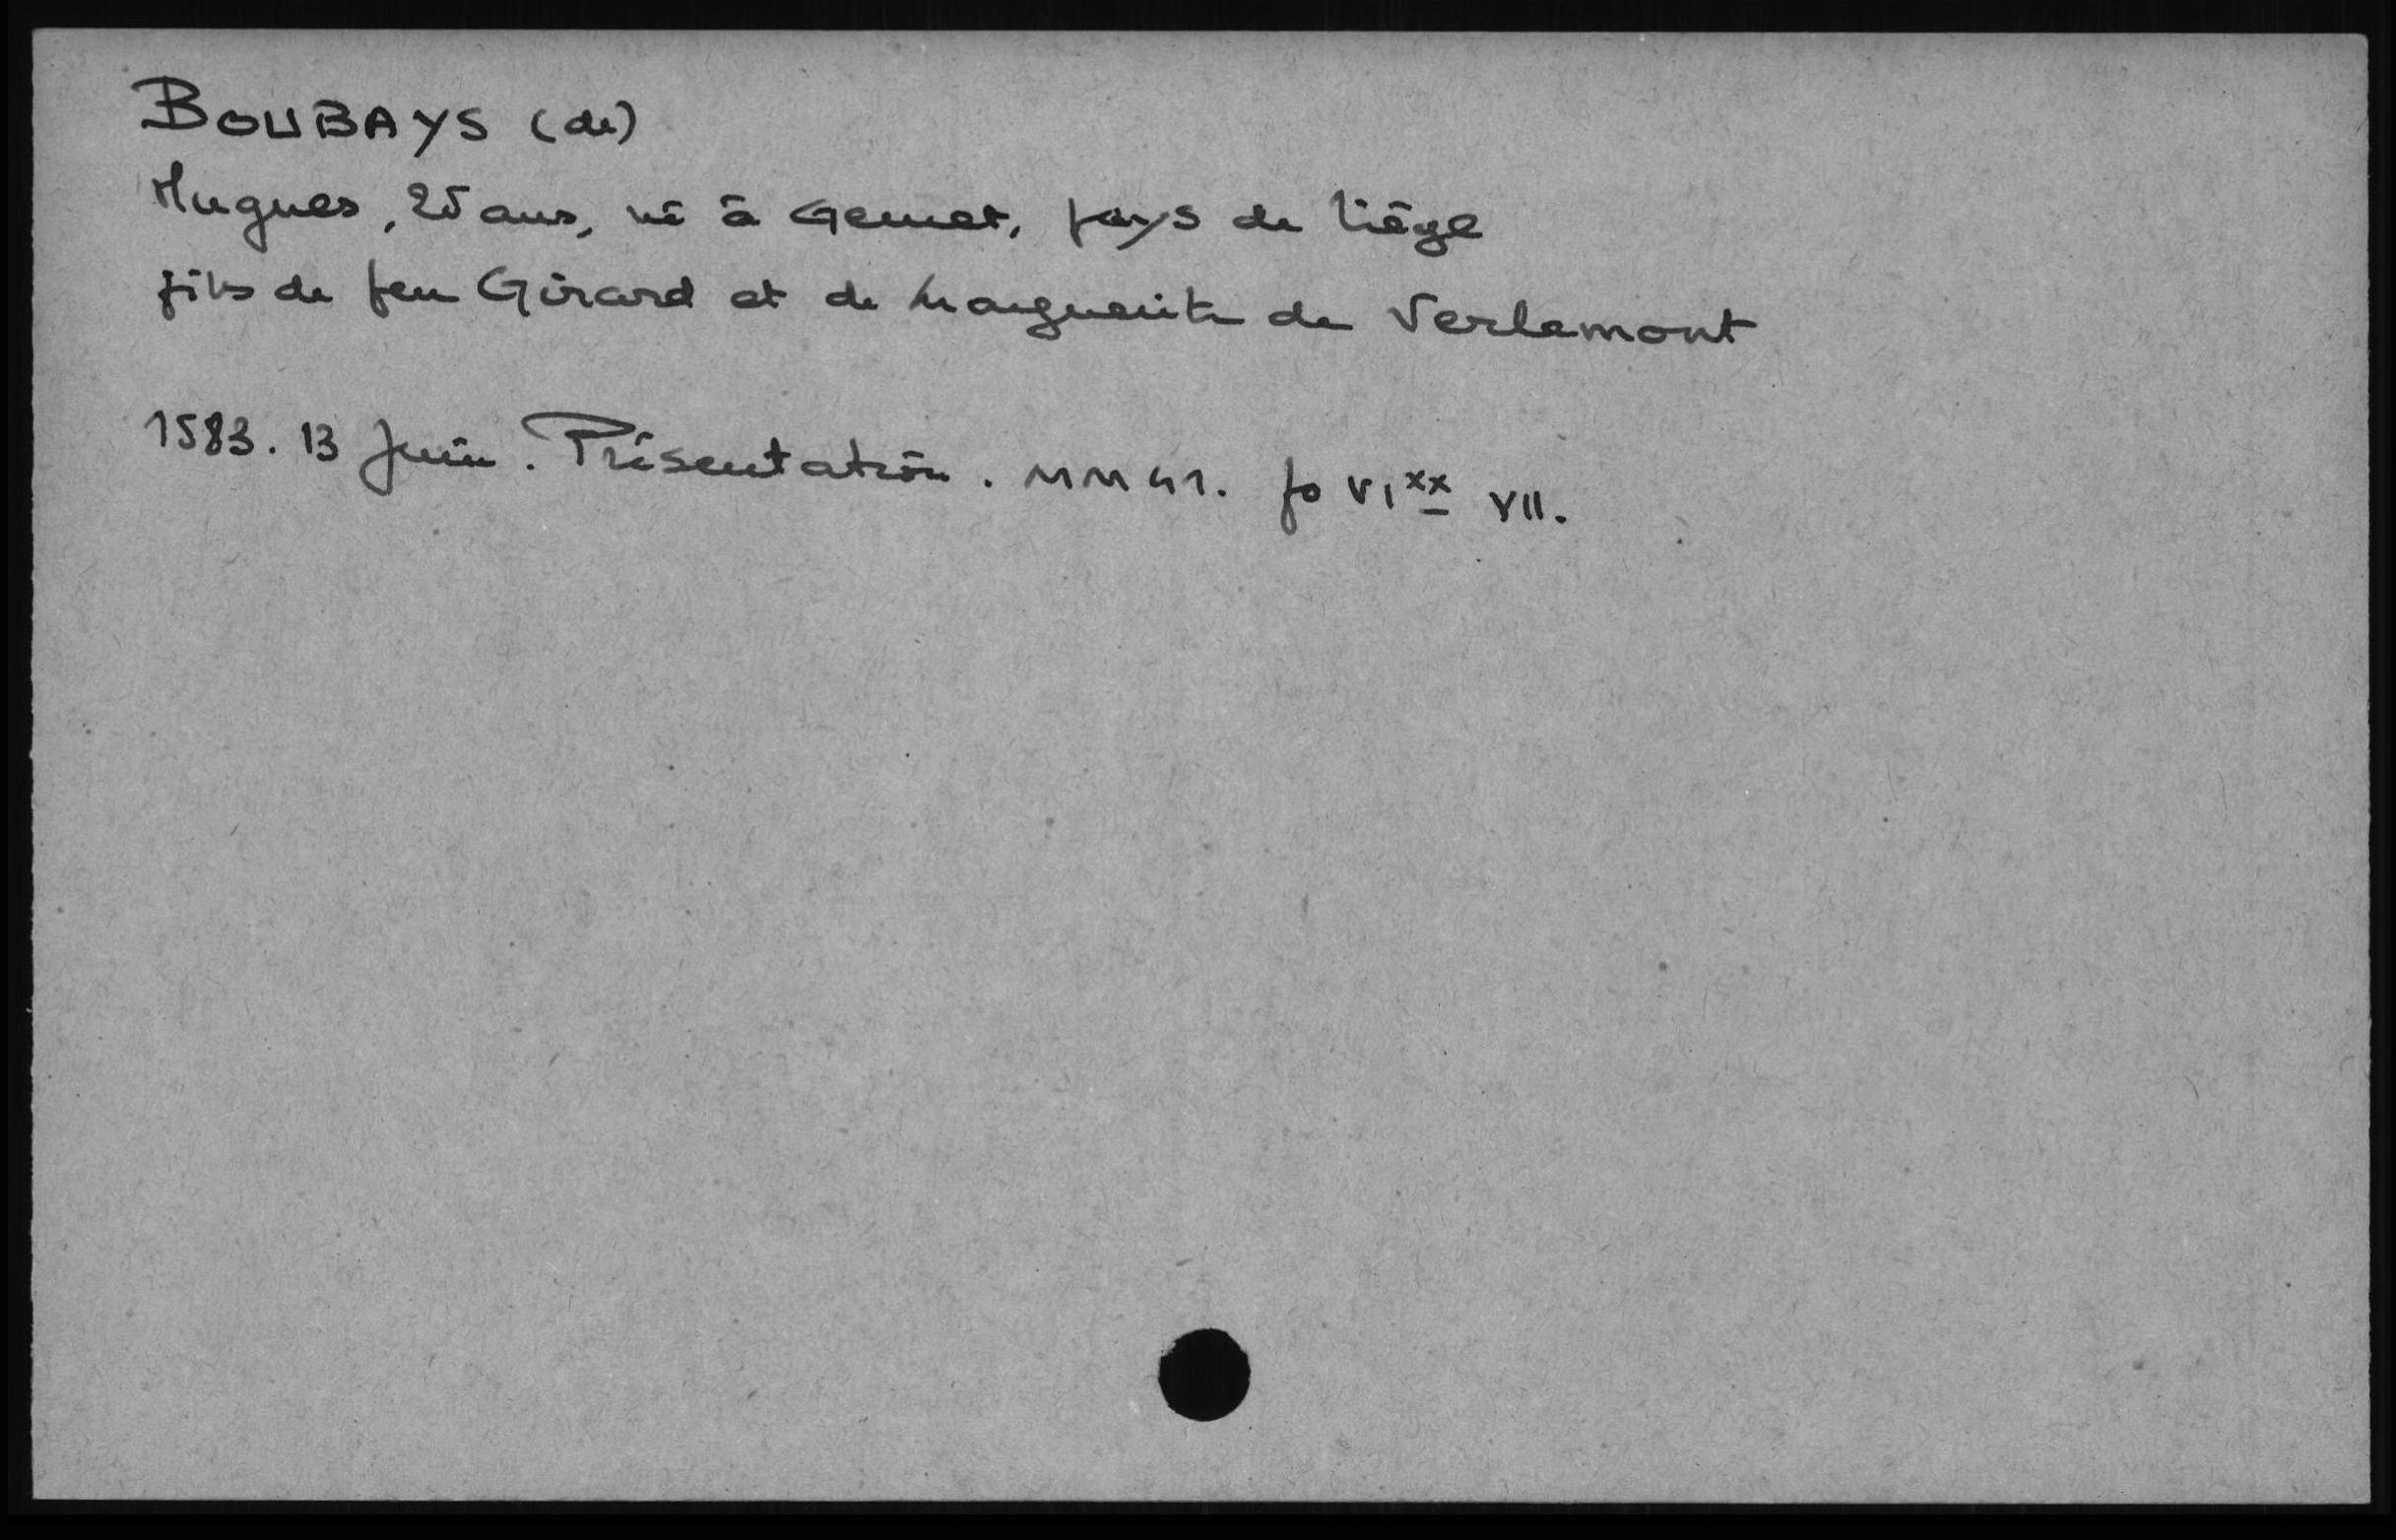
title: BOUBAYS (de) Hugues, 25 ans, né à Gemet, pays de Liège fils de feu Girard et de Marguerite de Verlemont
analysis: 1583, 13 juin. Présentation. MM 41, fol. VIXX VII.
